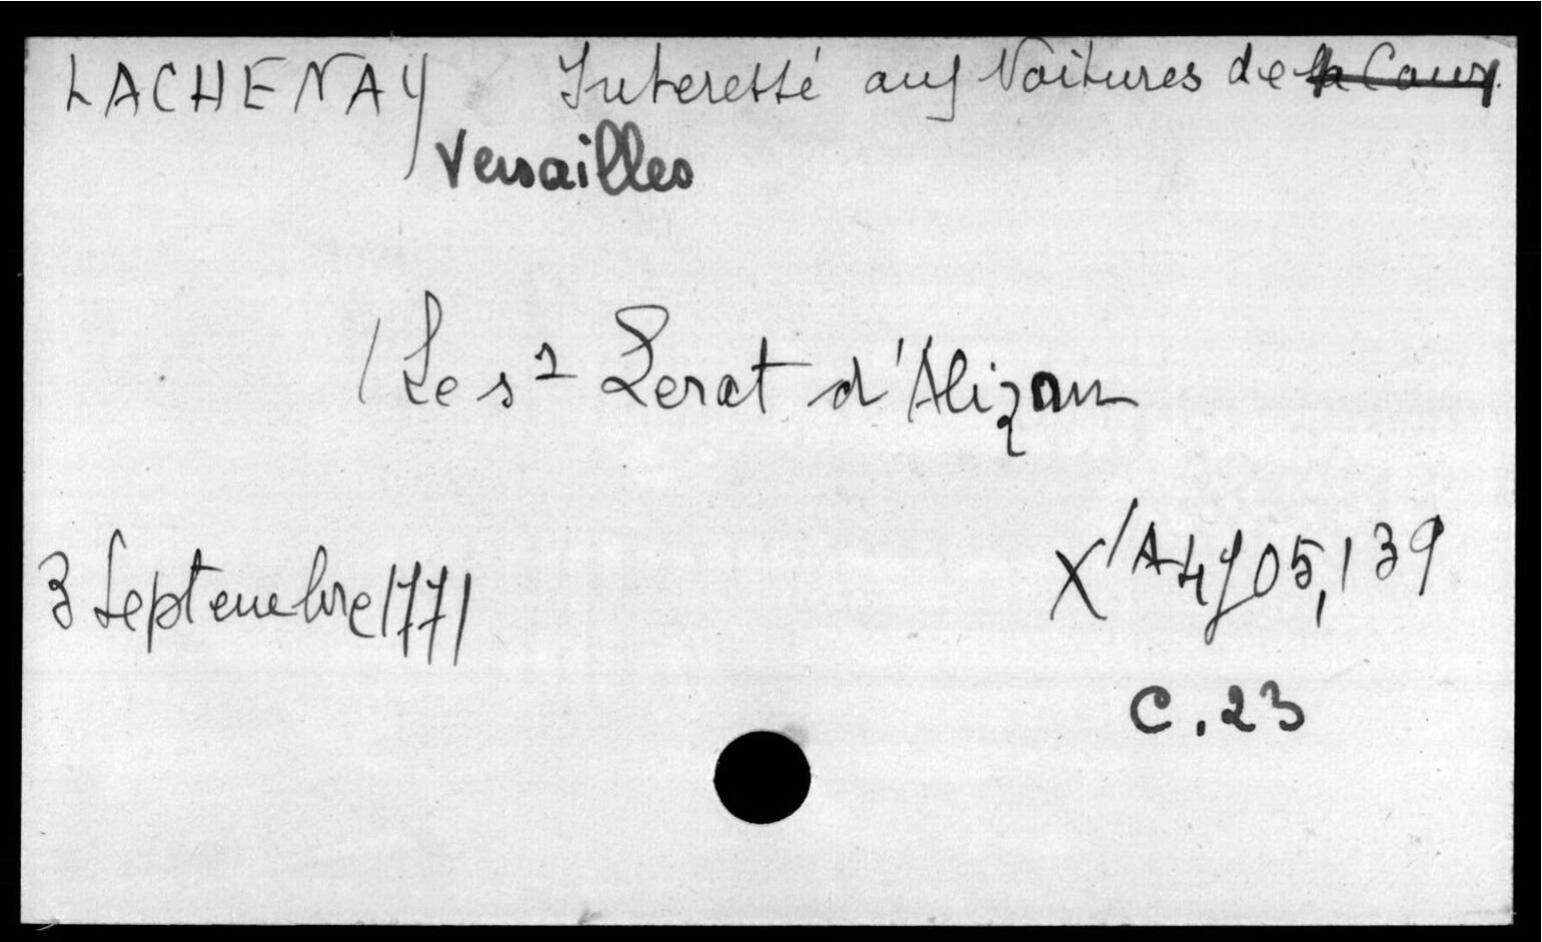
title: LACHENAY, Interessé aux voiture de Versailles
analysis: Contre le sieur Lerat d'Alizan
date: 3 septembre 1771
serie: X1A
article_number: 4705
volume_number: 139 Conseil, 23
